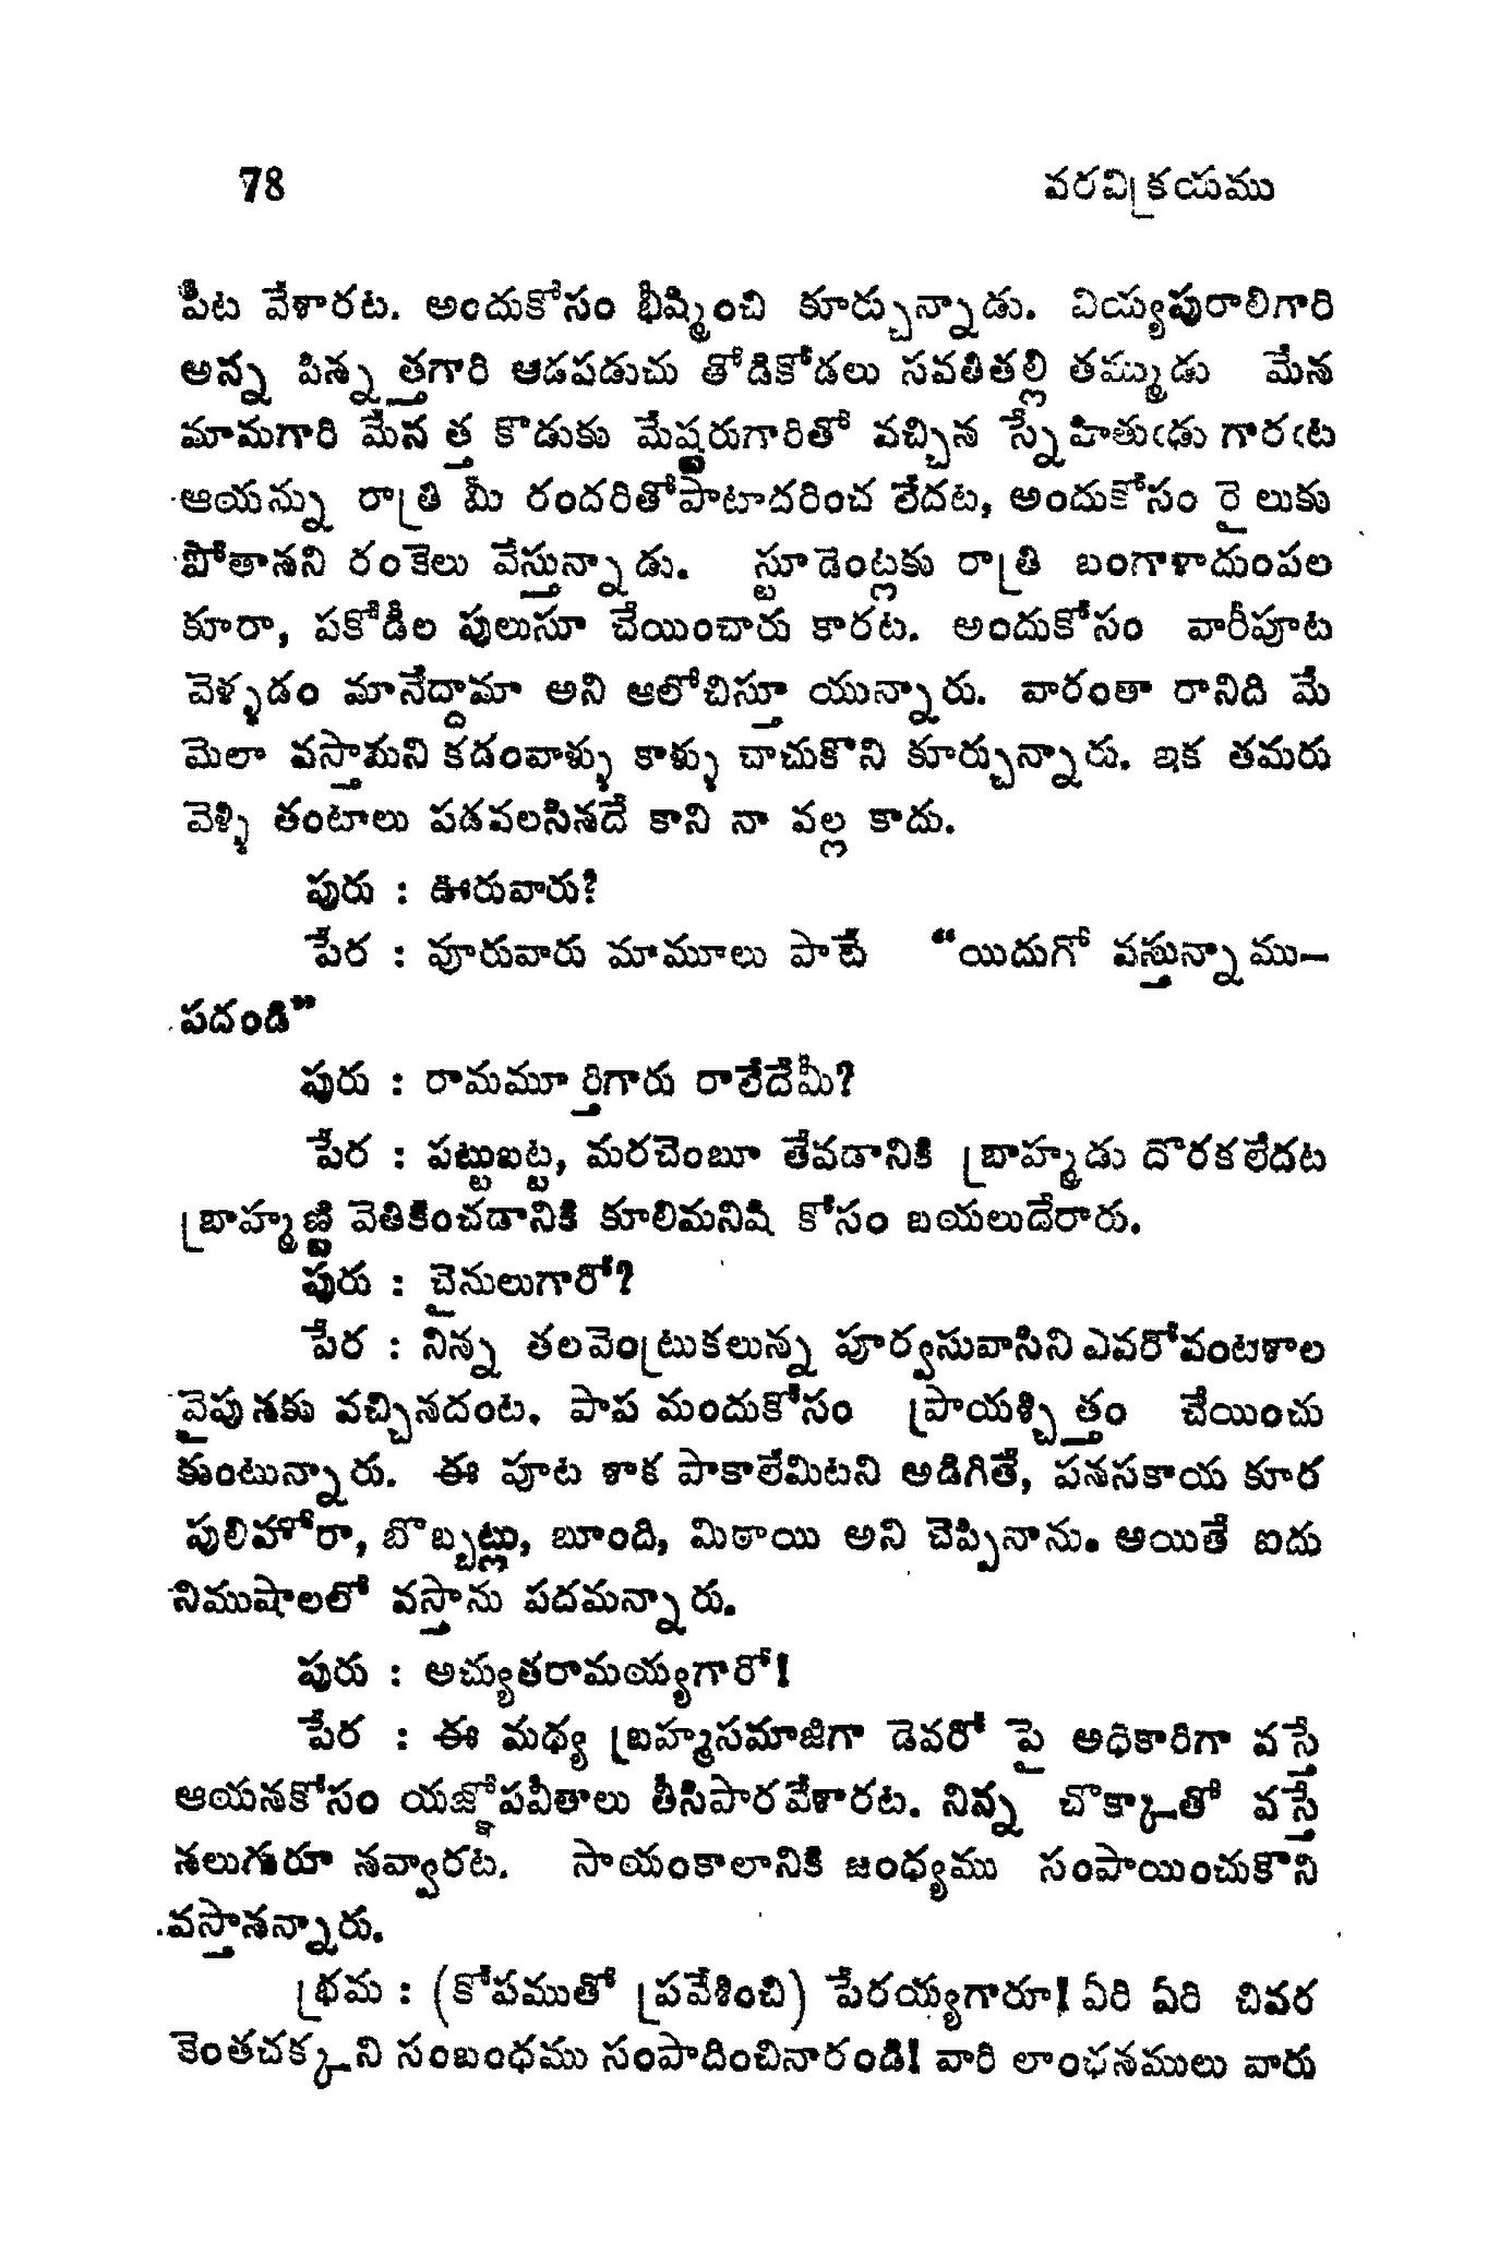పీట వేశారట. అందుకోసం భీష్మించి కూర్చున్నాడు. వియ్యపురాలిగారి అన్న పిన్నత్తగారి ఆడపడుచు తోడికోడలు సవతితల్లి తమ్ముడు మేనమామగారి మేనత్త కొడుకు మేష్టరుగారితో వచ్చిన స్నేహితుఁడు గారఁట. ఆయన్ను రాత్రి మీ రందరితోపాటాదరించ లేదట, అందుకోసం రైలుకు పోతానని రంకెలు వేస్తున్నాడు. స్టూడెంట్లకు రాత్రి బంగాళాదుంపల కూరా, పకోడీల పులుసూ చేయించారు కారట, అందుకోసం వారీపూట వెళ్ళడం మానివేదామా అని ఆలోచిస్తున్నారు. వారంతా రానిది మే మెలా వస్తామని కడంవాళ్ళు కాళ్ళు చాచుకొని కూర్చున్నారు. ఇక తమరు వెళ్ళి తంటాలు పడవలసినదే కాని నావల్లకాదు.

పురు :- ఊరివారు?

పేర :- వూరివారు మామూలు పాటే "యిదుగో వస్తున్నాము పదండి."

పురు :- రామమూర్తిగారు రాలేదేమీ?

పేర :- పట్టుబట్ట మరచెంబూ తేవడానికి బ్రాహ్మడు దొరకలేదట, బ్రాహ్మణ్ణి వెతికించడానికి కూలిమనిషి కోసం బయల్దేరారు.

పురు :- చైనులుగారో?

పేర :- నిన్న తలవెంట్రుకలున్న పూర్వసువాసినీ ఎవరో వంటశాల వైపునకు వచ్చినదంట, పాప మందుకోసం ప్రాయశ్చిత్తం చేయించుకుంటున్నారు. ఈ పూట శాక పాకాలేమిటని అడిగితే, పనసకాయ కూరా, పులిహోరా, బొబ్బట్లు, బూంది మిఠాయి అని చెప్పినాను. అయితే, ఐదునిముషాలలో వస్తాను పద మన్నారు.

పురు :- అచ్యుతరామయ్యగారో?

పేర :- ఈ మధ్య బ్రహ్మసమాజిగా డెవరో పై అధికారిగా వస్తే ఆయనకోసం యజ్ఞోపవీతాలు తీసిపారవేశారట. నిన్న చొక్కాతో వస్తే నలుగురూ నవ్వారట. సాయంకాలానికి జంధ్యము సంపాయించుకొని వస్తానన్నారు.

భ్రమ :- (కోపముతో ప్రవేశించి) పేరయ్యగారూ! ఏరి ఏరి చివర కెంతచక్కని సంబంధము సంపాదించినారండి! వారి లాంచనములు వారు